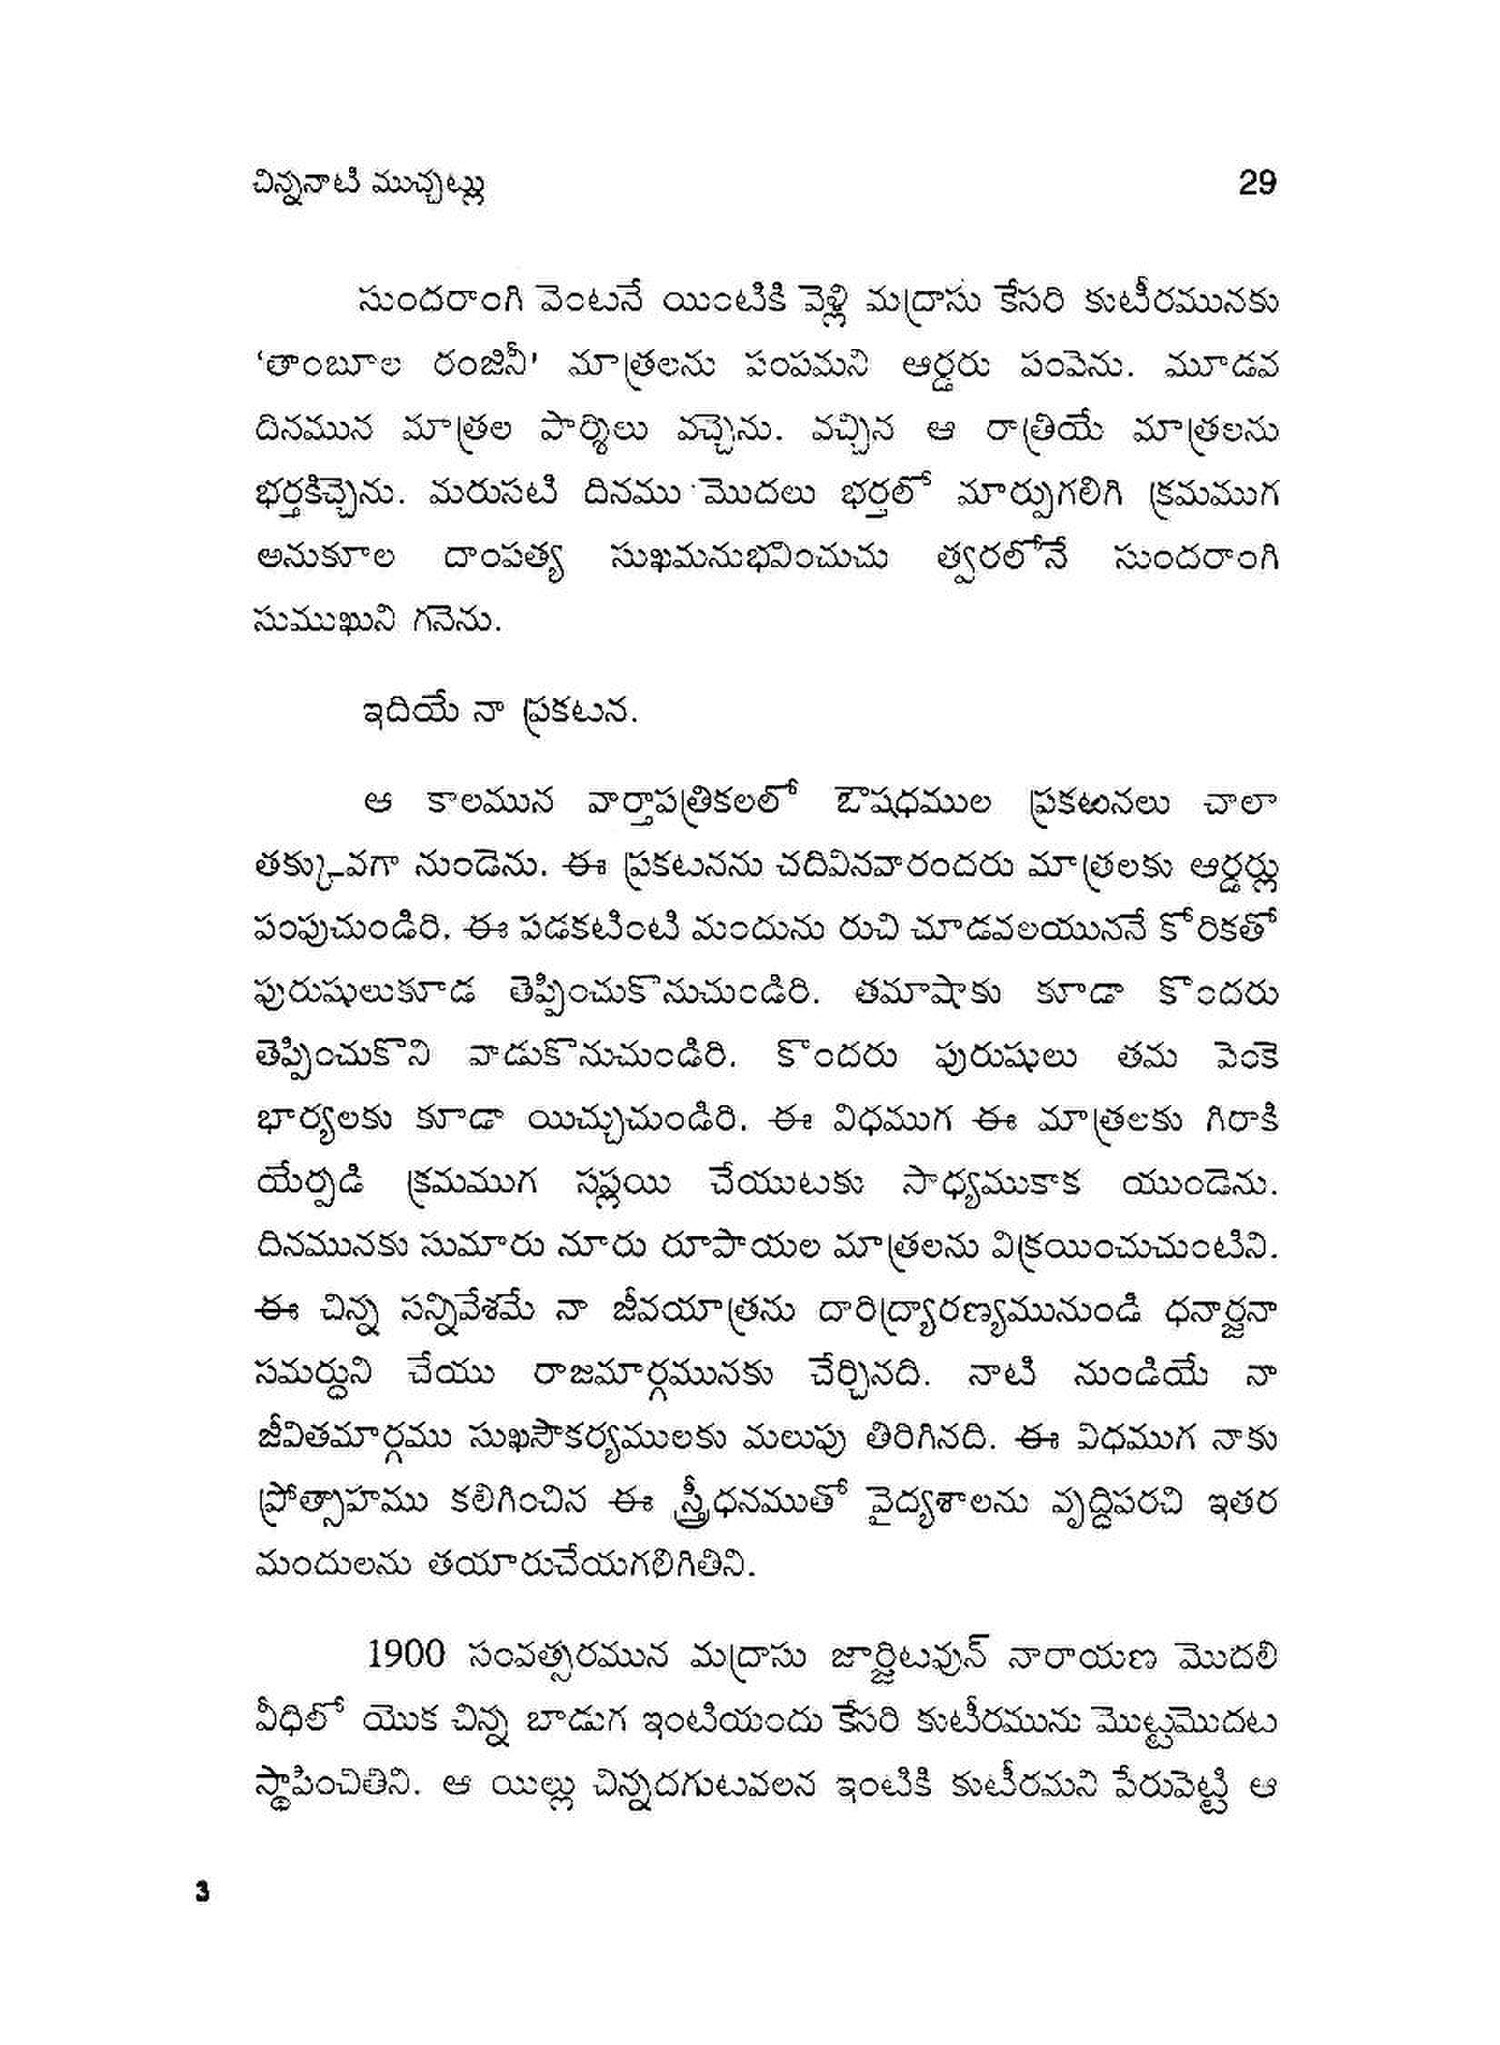సుందరాంగి వెంటనే యింటికి వెళ్లి మద్రాసు కేసరి కుటీరమునకు ′తాంబూల రంజినీ' మాత్రలను పంపమని ఆర్డరు పంపెను. మూడవ దినమున మాత్రల పార్సిలు వచ్చెను. వచ్చిన ఆ రాత్రియే మాత్రలను భర్తకిచ్చెను. మరుసటి దినము మొదలు భర్తలో మార్చుగలిగి క్రమముగ అనుకూల దాంపత్య సుఖమనుభవించుచు త్వరలోనే సుందరాంగి సుముఖుని గనెను.

ఇదియే నా ప్రకటన.

ఆ కాలమున వార్తాపత్రికలలో ఔషధముల ప్రకటనలు చాలా తక్కువగా నుండెను. ఈ ప్రకటనను చదివినవారందరు మాత్రలకు ఆర్డర్లు పంపుచుండిరి. ఈ పడకటింటి మందును రుచి చూడవలయుననే కోరికతో పురుషులుకూడ తెప్పించుకొనుచుండిరి. తమాషాకు కూడా కొందరు తెప్పించుకొని వాడుకొనుచుండిరి. కొందరు పురుషులు తమ పెంకె భార్యలకు కూడా యిచ్చుచుండిరి. ఈ విధముగ ఈ మాత్రలకు గిరాకి యేర్పడి క్రమముగ సప్లయి చేయుటకు సాధ్యముకాక యుండెను. దినమునకు సుమారు నూరు రూపాయల మాత్రలను విక్రయించుచుంటిని. ఈ చిన్న సన్నివేశమే నా జీవయాత్రను దారిద్ర్యారణ్యమునుండి ధనార్జనా సమర్దుని చేయు రాజమార్గమునకు చేర్చినది. నాటి నుండియే నా జీవితమార్గము సుఖసౌకర్యములకు మలుపు తిరిగినది. ఈ విధముగ నాకు ప్రోత్సాహము కలిగించిన ఈ స్త్రీధనముతో వైద్యశాలను వృద్ధిపరచి ఇతర మందులను తయారుచేయగలిగితిని.

1900 సంవత్సరమున మద్రాసు జార్జిటవున్ నారాయణ మొదలి వీధిలో యొక చిన్న బాడుగ ఇంటియందు కేసరి కుటీరమును మొట్టమొదట స్థాపించితిని. ఆ యిల్లు చిన్నదగుటవలన ఇంటికి కుటీరమని పేరుపెట్టి ఆ